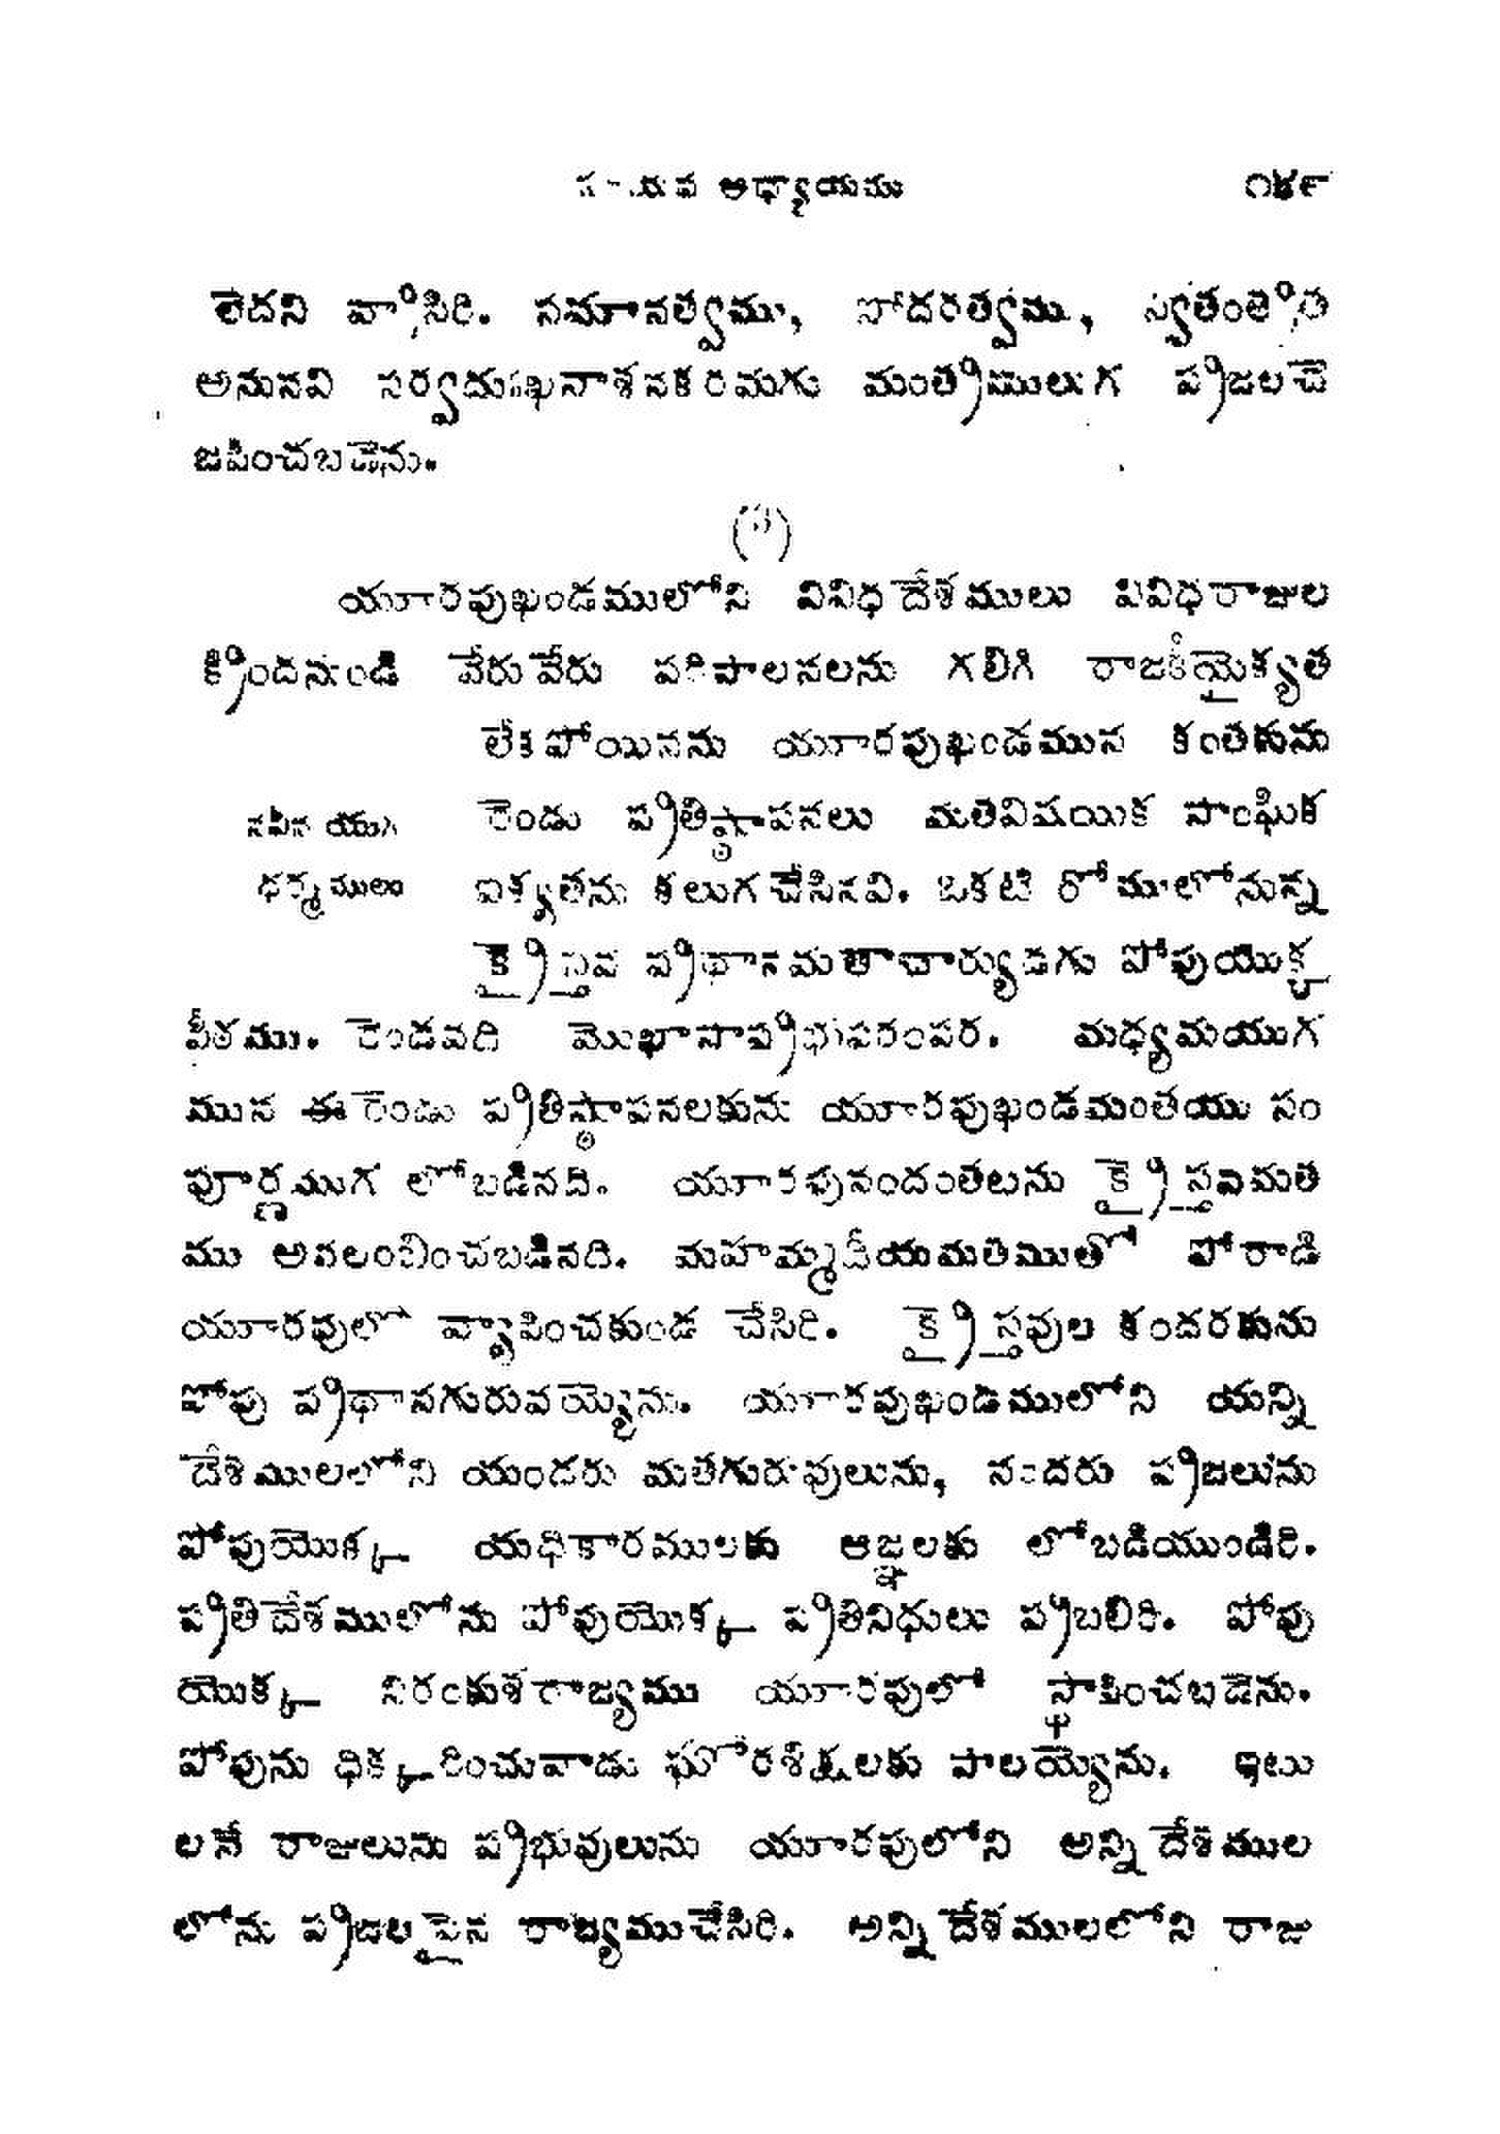లేదని వ్రాసిరి. సమానత్వము', సోదరత్వము, స్వతంత్రతను
అనునవి సర్వదుఃఖనాశనకరమగు మంత్రములుగ ప్రజలచే
జపించబడెను.

నవీనయుగ
ధర్మములు

యూరపుఖండములోని విషధ దేశములు వివిధ రాజుల
క్రింద నుండి వేరు వేరు పరిపాలనలను గలిగి రాజకీ యైక్యత
లేక పోయినను యూరపుఖండమున కంతకును
రెండు ప్రతిష్టాపనలు మతవిషయిక సాంఘిక
ఐక్యతను కలుగ చేసినవి. ఒకటి రోములోనున్న
క్రైస్తవ ప్రధాన మతాచార్యుడగు పోపు యొక్క
పీఠము. రెండవరి మొఖాసాప్రభ పరంపర. మధ్యమయుగ
మున ఈ రెండు ప్రతిస్థాపనలకును యూరపుఖండమంతయు సం
పూర్ణముగ లోబడినది. యూరపునందుతటను క్రైస్తవమత
ము అవలంబించబడినది. మహమ్మదీయ మతముతో పోరాడి
యూరపులో వ్యాపించకుండ చేసిరి. క్రైస్తవుల కందరకును
పోపు ప్రథానగురువయ్యెను. యూరపు ఖండాములోని , సందరు ప్రజలును
పోపు యొక్క యధికారములకు ఆజ్ఞలకు లోబడియుండిరి.
ప్రతి దేశములోను పోవు యొక్క ప్రతినిధులు ప్రబలిరి. పోపు
యొక్క నిరంకుశ రాజ్యము యూరపులో స్థాపించబడెను.
పోపును ధిక్కరించువాడు ఘోరశిక్షలకు పాలయ్యేను. ఇటు
లనే రాజులును ప్రభువులును యూరపులోని అన్ని దేశముల
లోను ప్రజల పైన రాజ్యము చేసిరి. అన్ని దేశములలోని రాజు